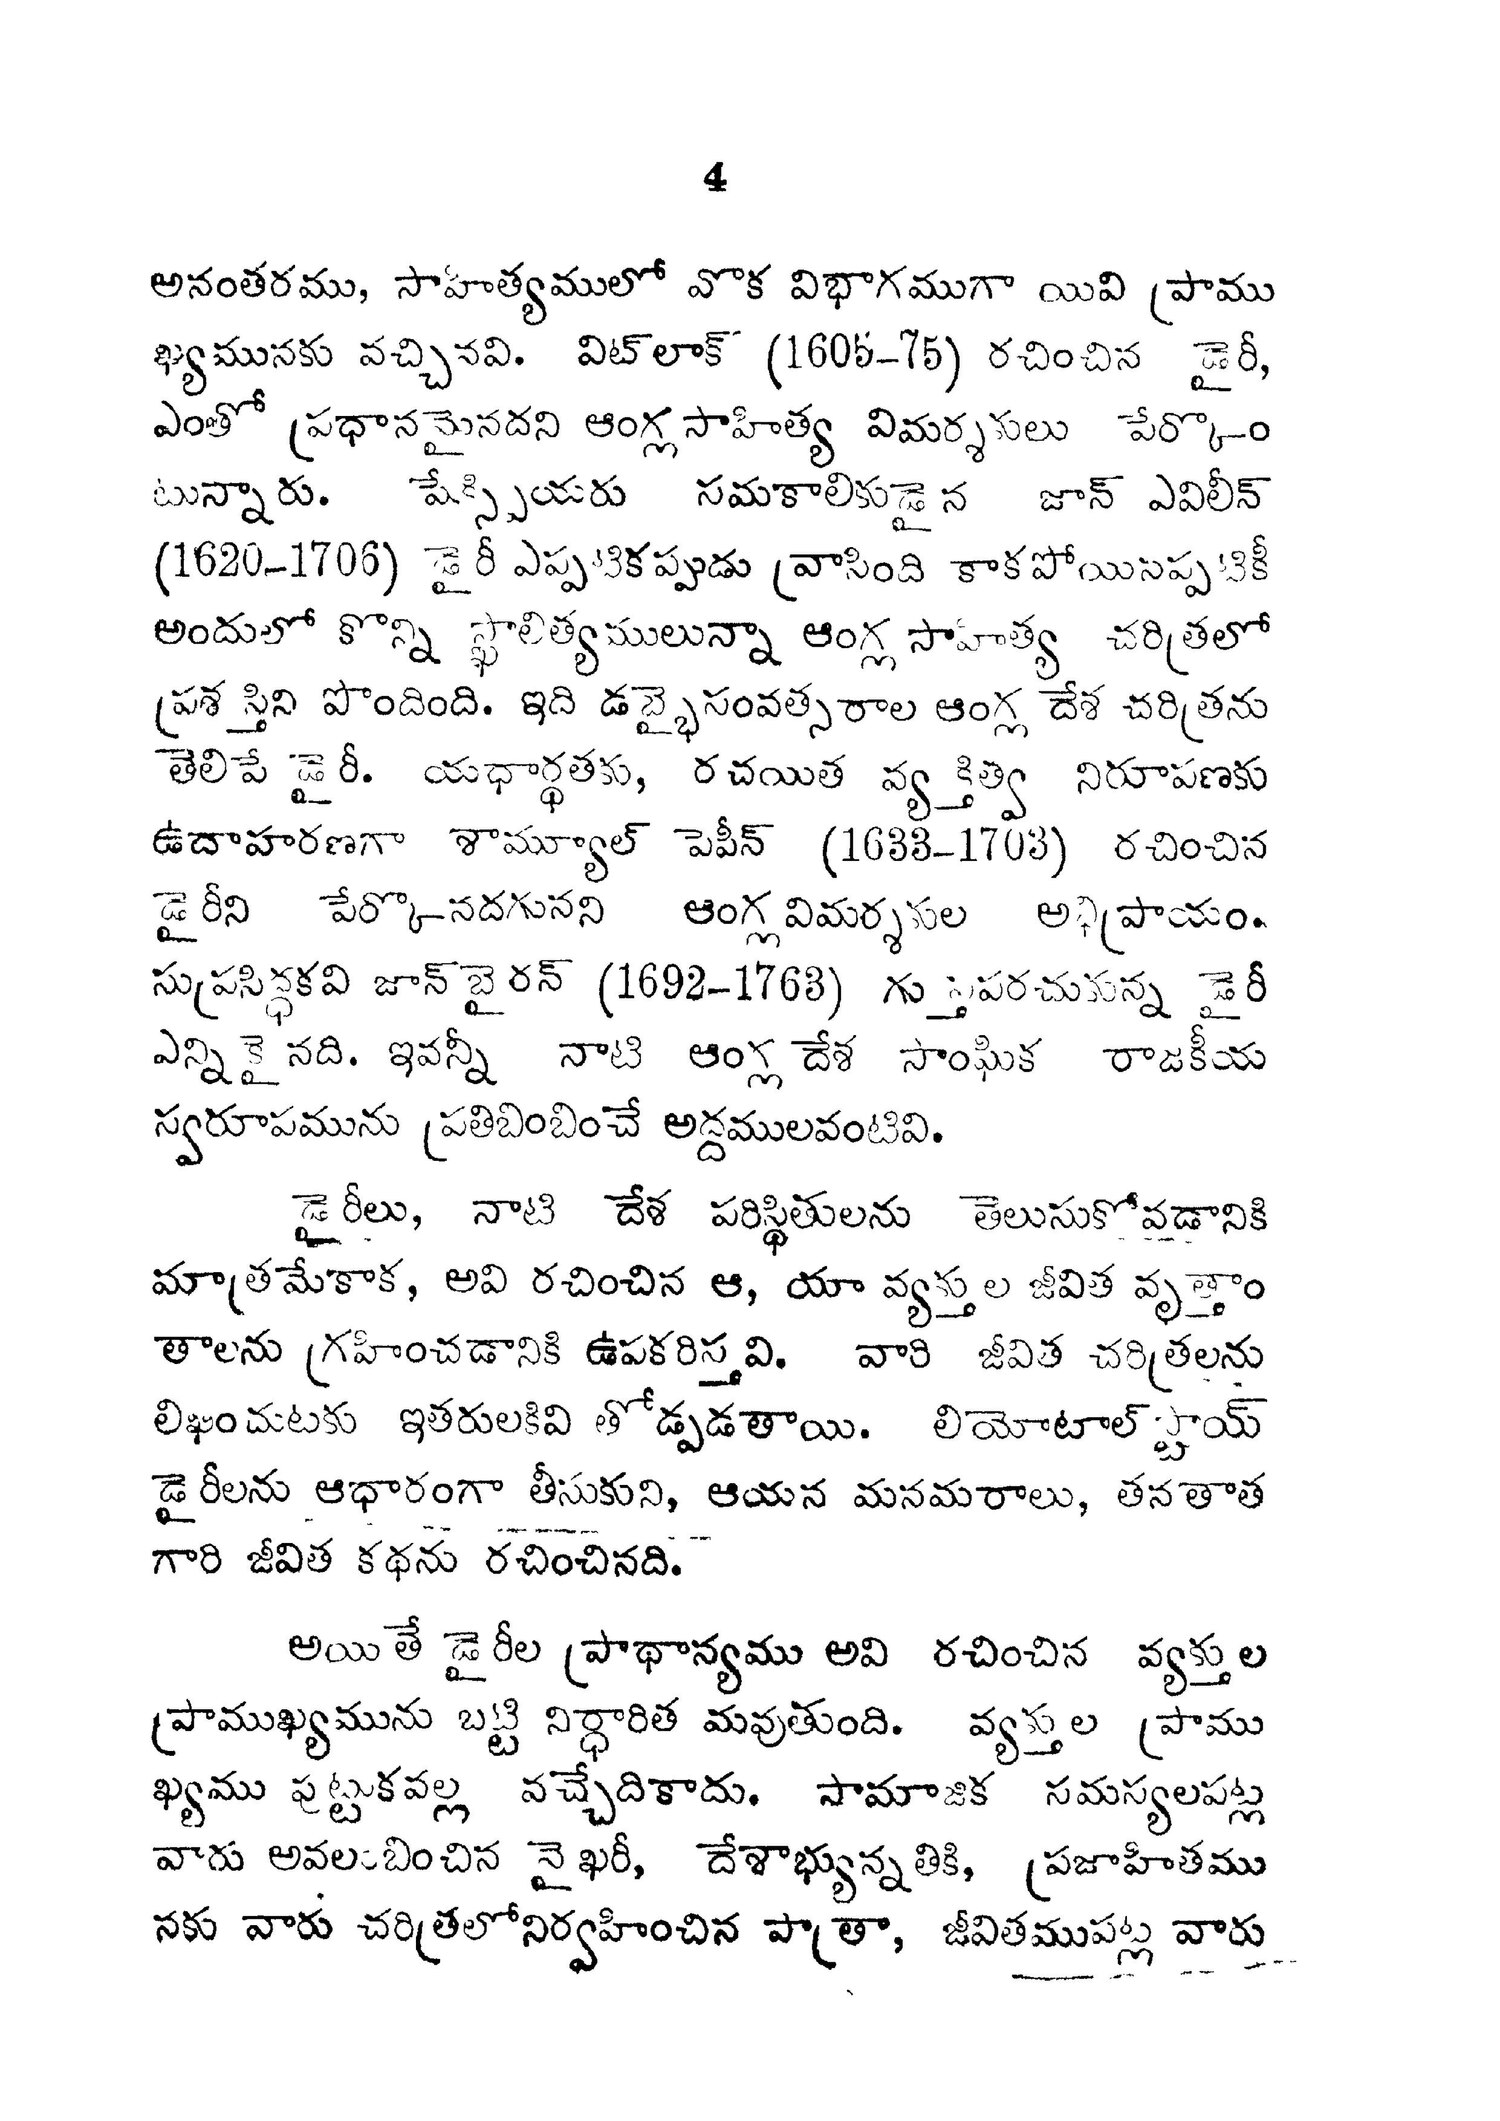అనంతరము, సాహిత్యములో వొక విభాగముగా యివి ప్రాముఖ్యమునకు వచ్చినవి. విట్‌లాక్ (1605-75) రచించిన డైరీ, ఎంతో ప్రధానమైనదని ఆంగ్లసాహిత్య విమర్శకులు పేర్కొంటున్నారు. షేక్స్పియరు సమకాలికుడైన జాన్ ఎవిలీన్ (1620-1706) డైరీ ఎప్పటికప్పుడు వ్రాసింది కాకపోయినప్పటికీ అందులో కొన్ని స్ఖాలిత్యములున్నా ఆంగ్లసాహిత్య చరిత్రలో ప్రశస్తిని పొందింది. ఇది డబ్భైసంవత్సరాల ఆంగ్ల దేశ చరిత్రను తెలిపే డైరీ. యధార్థతకు, రచయిత వ్యక్తిత్వ నిరూపణకు ఉదాహరణగా శామ్యూల్ పెపీస్ (1633-1703) రచించిన డైరీని పేర్కొనదగునని ఆంగ్ల విమర్శకుల అభిప్రాయం. సుప్రసిద్ధకవి జాన్ బైరన్ (1692-1763) గుప్తపరచుకున్న డైరీ ఎన్నికైనది. ఇవన్నీ నాటి ఆంగ్లదేశ సాంఘిక రాజకీయ స్వరూపమును ప్రతిబింబించే అద్దములవంటివి.

డైరీలు, నాటి దేశ పరిస్థితులను తెలుసుకోవడానికి మాత్రమేకాక, అవి రచించిన ఆ, యా వ్యక్తుల జీవిత వృత్తాంతాలను గ్రహించడానికి ఉపకరిస్తవి. వారి జీవిత చరిత్రలను లిఖించుటకు ఇతరులకివి తోడ్పడతాయి. లియో టాల్‌స్టాయ్ డైరీలను ఆధారంగా తీసుకుని, ఆయన మనమరాలు, తన తాతగారి జీవిత కథను రచించినది.

అయితే డైరీల ప్రాధాన్యము అవి రచించిన వ్యక్తుల ప్రాముఖ్యమును బట్టి నిర్ధారిత మవుతుంది. వ్యక్తుల ప్రాముఖ్యము పుట్టుకవల్ల వచ్చేదికాదు. సామాజిక సమస్యలపట్ల వారు అవలంబించిన వైఖరీ, దేశాభ్యున్నతికి, ప్రజాహితమునకు వారు చరిత్రలో నిర్వహించిన పాత్రా, జీవితముపట్ల వారు